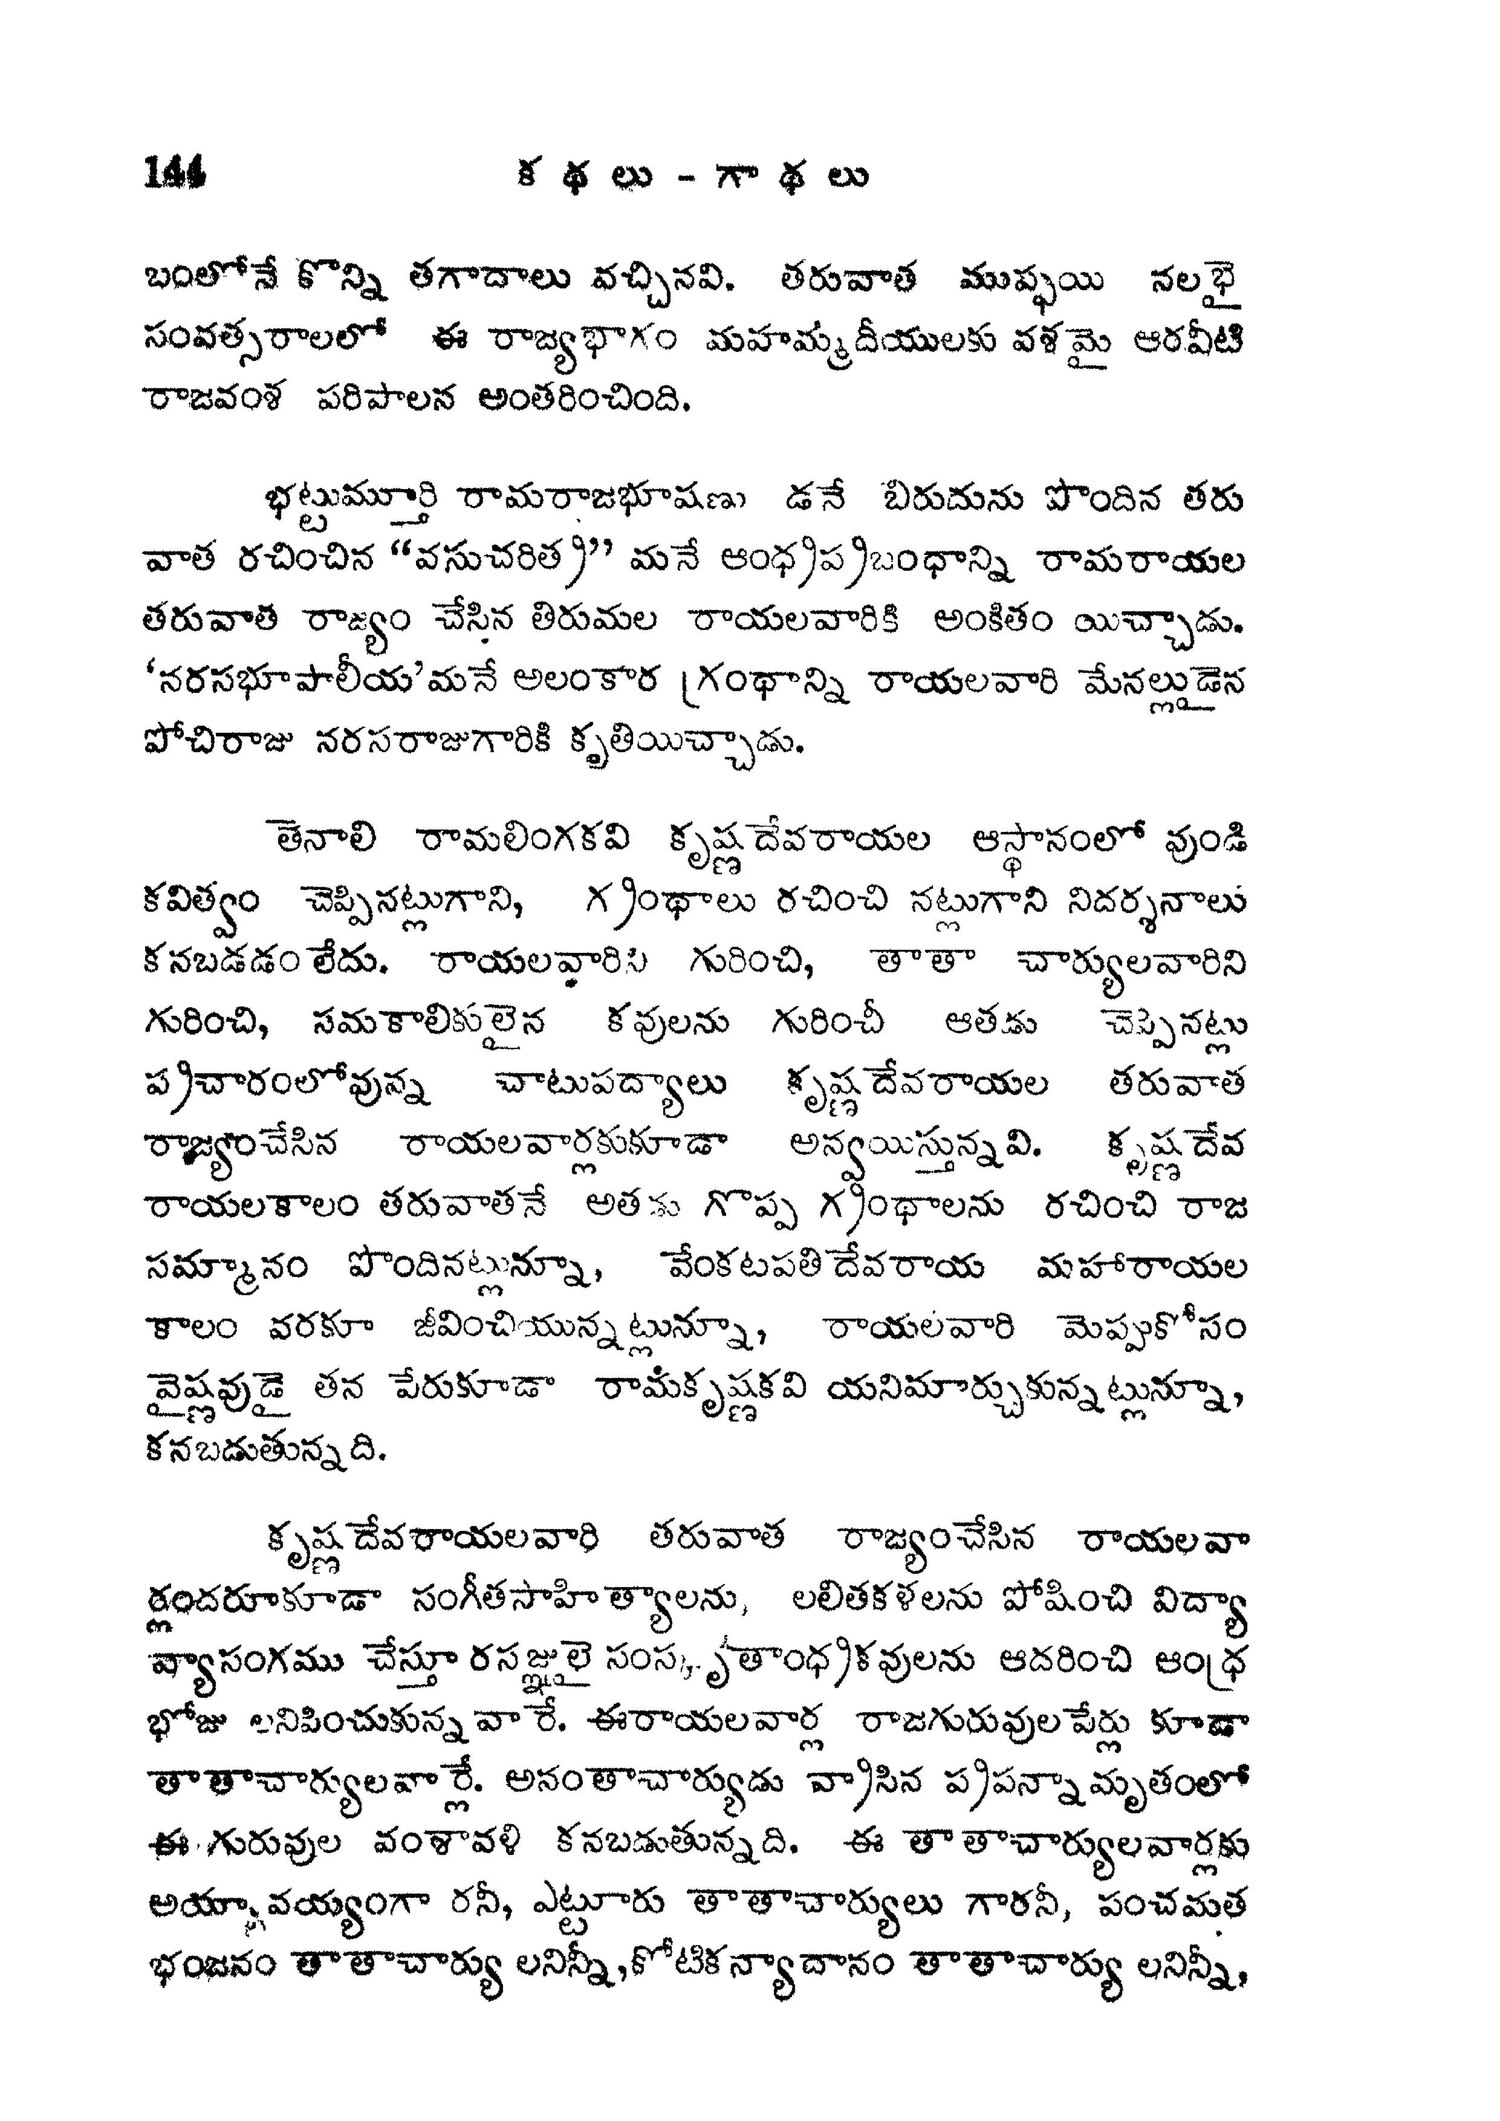బంలోనే కొన్ని తగాదాలు వచ్చినవి. తరువాత ముప్ఫయి నలభై సంవత్సరాలలో ఈ రాజ్యభాగం మహమ్మదీయులకు వశమై అరవీటి రాజవంశ పరిపాలన అంతరించింది.

భట్టుమూర్తి రామరాజభూషణు డనే బిరుదును పొందిన తరువాత రచించిన "వసుచరిత్ర" మనే ఆంధ్రప్రబంధాన్ని రామరాయల తరువాత రాజ్యం చేసిన తిరుమల రాయలవారికి అంకితం యిచ్చాడు. 'నరసభూపాలీయ ' మనే అలంకార గ్రంధాన్ని రాయలవారి మేనల్లుడైన పోచిరాజు నరసరాజుగారికి కృతియిచ్చాడు.

తెనాలి రామలింగకవి కృష్ణదేవరాయల ఆస్థానంలో వుండి కవిత్వం చెప్పినట్లుగాని, గ్రంధాలు రచించి నట్లుగాని నిదర్శనాలు కనబడడంలేదు. రాయలవారిని గురించి, తాతా చార్యులవారిని గురించి, సమకాలికులైన కవులను గురించీ అతడు చెప్పినట్లు ప్రచారంలోవున్న చాటుపద్యాలు కృష్ణదేవరాయల తరువాత రాజ్యంచేసిన రాయలవార్లకుకూడా అన్వయిస్తున్నవి. కృష్ణదేవరాయల కాలం తరువాతనే అతను గొప్ప గ్రంధాలను రచించి రాజసమ్మానం పొందినట్లున్నూ, వేంకటపతిదేవరాయ మహారాయల కాలం వరకూ జీవించియున్నట్లున్నూ, రాయలవారి మెప్పుకోసం వైష్ణవుడై తన పేరుకూడా రామకృష్ణకవి యని మార్చుకున్నట్లున్నూ, కనబడుతున్నది.

కృష్ణదేవరాయలవారి తరువాత రాజ్యంచేసిన రాయలవార్లందరూకూడా సంగీతసాహిత్యాలను లలితకళలను పొషించి విద్యావ్యాసంగము చేస్తూ రసజ్ఞులై సంస్కృతాంధ్రకవులను ఆదరించి ఆంధ్రభోజు లనిపించుకున్నవారే, ఈరాయలవార్ల రాజగురువుల పేర్లు కూడా తాతాచార్యులవార్లే. అనంతాచార్యుడు వ్రాసిన ప్రసన్నామృతంలో ఈ గురువుల వంశావళి కనబడుతున్నది. ఈ తాతాచార్యులవార్లకు అయ్యావయ్యంగారనీ, ఎట్టూరు తాతాచార్యులు గారనీ, పంచమతభంజనం తాతాచార్యులనిన్నీ, కోటికన్యాదానం తాతాచార్యులనిన్నీ,